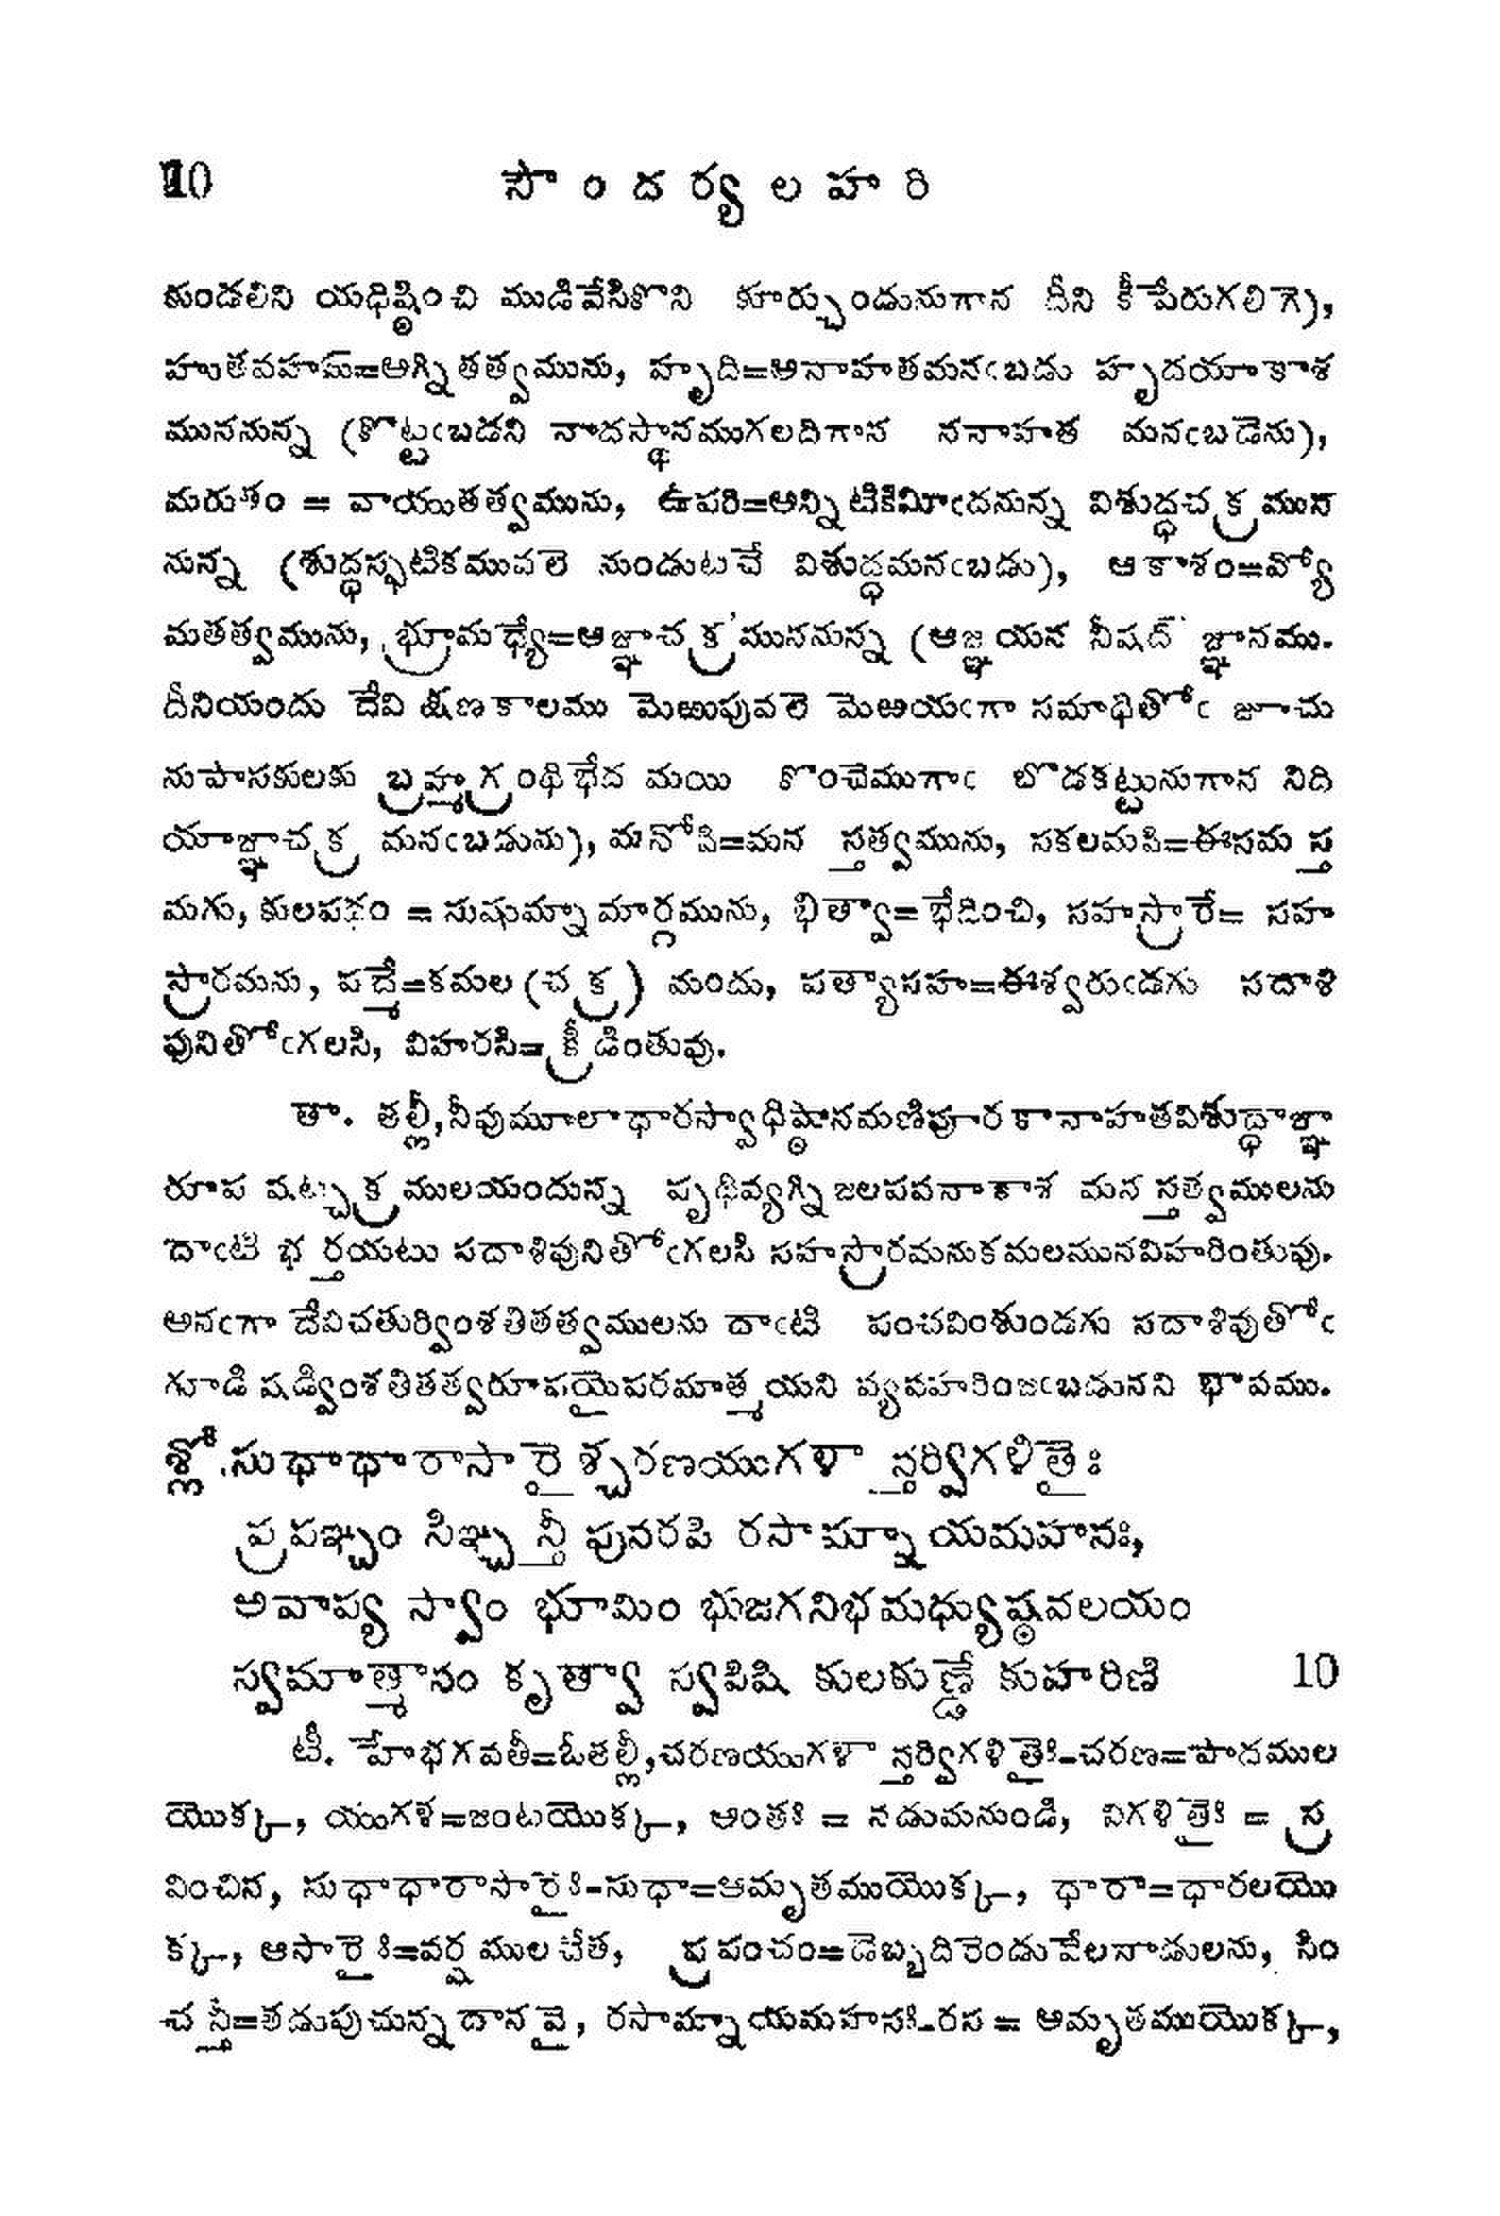కుండలిని యధిష్ఠించి ముడివేసికొని కూర్చుండునుగాన దీని కీపేరుగలిగె), హుతవహమ్ = అగ్నితత్వమును, హృది = అనాహతమనఁబడు హృదయాకాశమునున్న (కొట్టఁబడని నాదస్థానముగలదిగాన ననాహత మనఁబడెను), మరుతం = వాయుతత్వమును, ఉపరి = అన్నిటికిమీఁదనున్న విశుద్ధచక్రమున నున్న (శుద్ధస్ఫటికమువలె నుండుటచే విశుద్ధమనఁబడు), ఆకాశం = వ్యోమతత్వమును, భ్రూమధ్యే = ఆజ్ఞాచక్రముననున్న (ఆజ్ఞయన నీషద్ జ్ఞానము. దీనియందు దేవి క్షణకాలము మెఱుపువలె మెఱయఁగా సమాధితోఁ జూచు నుపాసకులకు బ్రహ్మగ్రంథిభేద మయి కొంచెముగాఁ బొడకట్టునుగాన నిది యాజ్ఞాచక్ర మనఁబడును), మనోపి = మనస్తత్వమును, సకలమపి = ఈసమస్తమగు, కులపథం = సుషుమ్నామార్గమును, భిత్వా = భేదించి, సహస్రారే = సహస్రారమను, పద్మే = కమల (చక్ర) మందు, పత్యాసహ = ఈశ్వరుఁడగు సదాశివునితోఁగలసి, విహరసి = క్రీడింతువు.

తా. తల్లీ, నీవుమూలాధారస్వాధిష్ఠానమణిపూరకానాహతవిశుద్ధాజ్ఞారూప షట్చక్రములయందున్న పృథివ్యగ్నిజలపవనాకాశ మనస్తత్వములను దాఁటి భర్తయగు సదాశివునితోఁగలసి సహస్రారమనుకమలమునవిహరింతువు. అనఁగా దేవిచతుర్వింశతితత్వములను దాఁటి పంచవింశుండగు సదాశివుతోఁగూడి షడ్వింశతితత్వరూపయైపరమాత్మయని వ్యవహరింపఁబడునని భావము.

శ్లో. సుధాధారాసారైశ్చరణయుగళాన్తర్విగళితైః
 ప్రపఞ్చం సిఞ్చన్తీ పునరపి రసామ్నాయమహనః,
 అవాప్య స్వాం భూమిం భుజగనిభమధ్యుష్ఠవలయం
 స్వమాత్మానం కృత్వా స్వపిషి కులకుణ్డే కుహరిణి 10
టీ. హేభగవతీ = ఓతల్లీ, చరణయుగళాన్తర్విగళితైః-చరణ = పాదములయొక్క, యుగళ = జంటయొక్క, అంతః = నడుమనుండి, నిగళితైః = స్రవించిన, సుధాధారాసారైః-సుధా = అమృతముయొక్క, ధారా = ధారలయొక్క, ఆసారైః = వర్షములచేత, ప్రపంచం = డెబ్బదిరెండువేలనాడులను, సించన్తీ = తడుపుచున్న దానవై, రసామ్నాయమహనః-రస = అమృతముయొక్క,